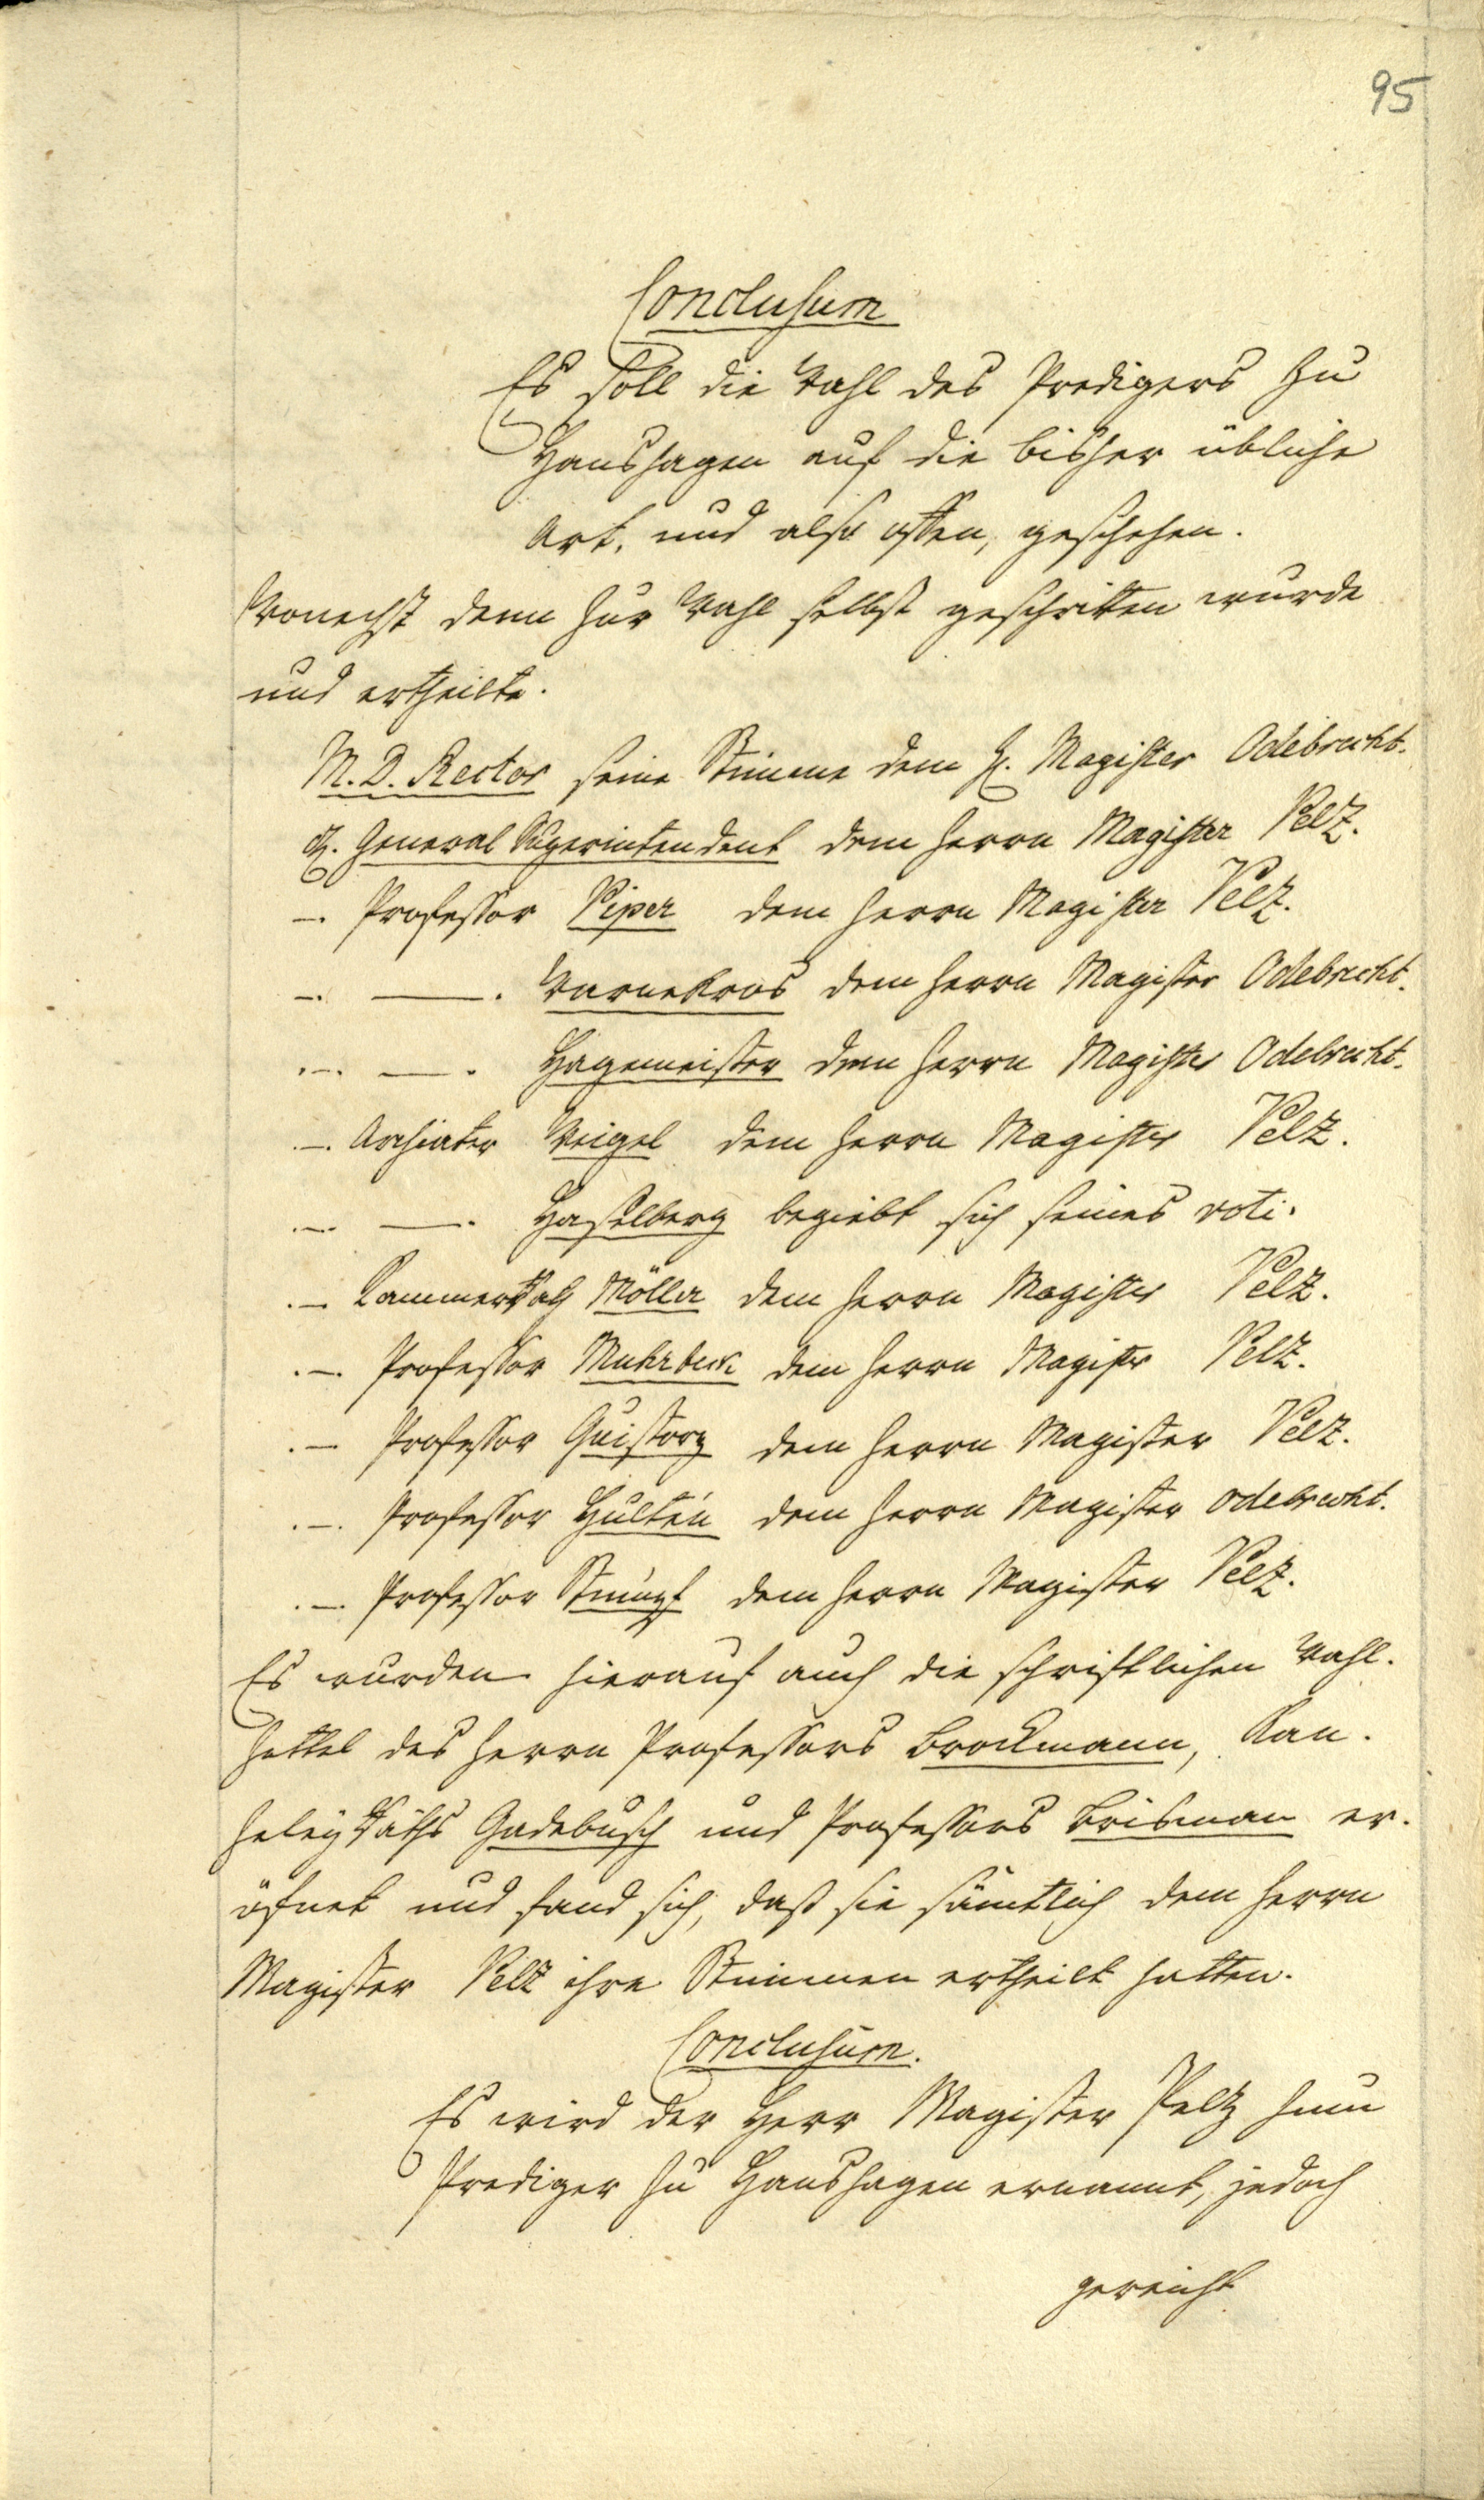Conclusum
Es soll die Wahl des Predigers zu
Hanshagen auf die bisher übliche
Art, und also offen, geschehen.
Wonechst denn zur Wahl selbst geschritten wurde
und ertheilte.
M. D. Rector sein Stimme dem H. Magister Odebrecht.
dh. General Superintendent dem Herrn Magister Pelz.
Professor Piper dem Herrn Magister Pelz.
Warnekros dem Herrn Magister Odebrecht.
Hagemeister dem Herrn Magister Odebrecht.
Archiater Weigel dem Herrn Magister Pelz.
Haselberg begiebt sich seines voti.
KammerRath Möller dem Herrn Magister Pelz.
Professor Muhrbeck dem Herrn Magister Pelz.
Professor Quistorp dem Herrn Magister Pelz.
Professor Hultén dem Herrn Magister Odebrecht.
Professor Stumpf dem Herrn Magister Pelz.
Es wurden hierauf auch die schriftlichen Wahl¬
zettel des Herrn Professors Brockmann, Kan-
zeleÿ Raths Gadebusch und Professors Brisman er
öfnet und fand sich, daß sie sämtlich dem Herrn
Magister Pelz ihre Stimmen ertheilt hätten.
Conclusum.
Es wird der Herr Magister Pelz zum
Prediger zu Hanshagen ernannt, jedoch
gereicht